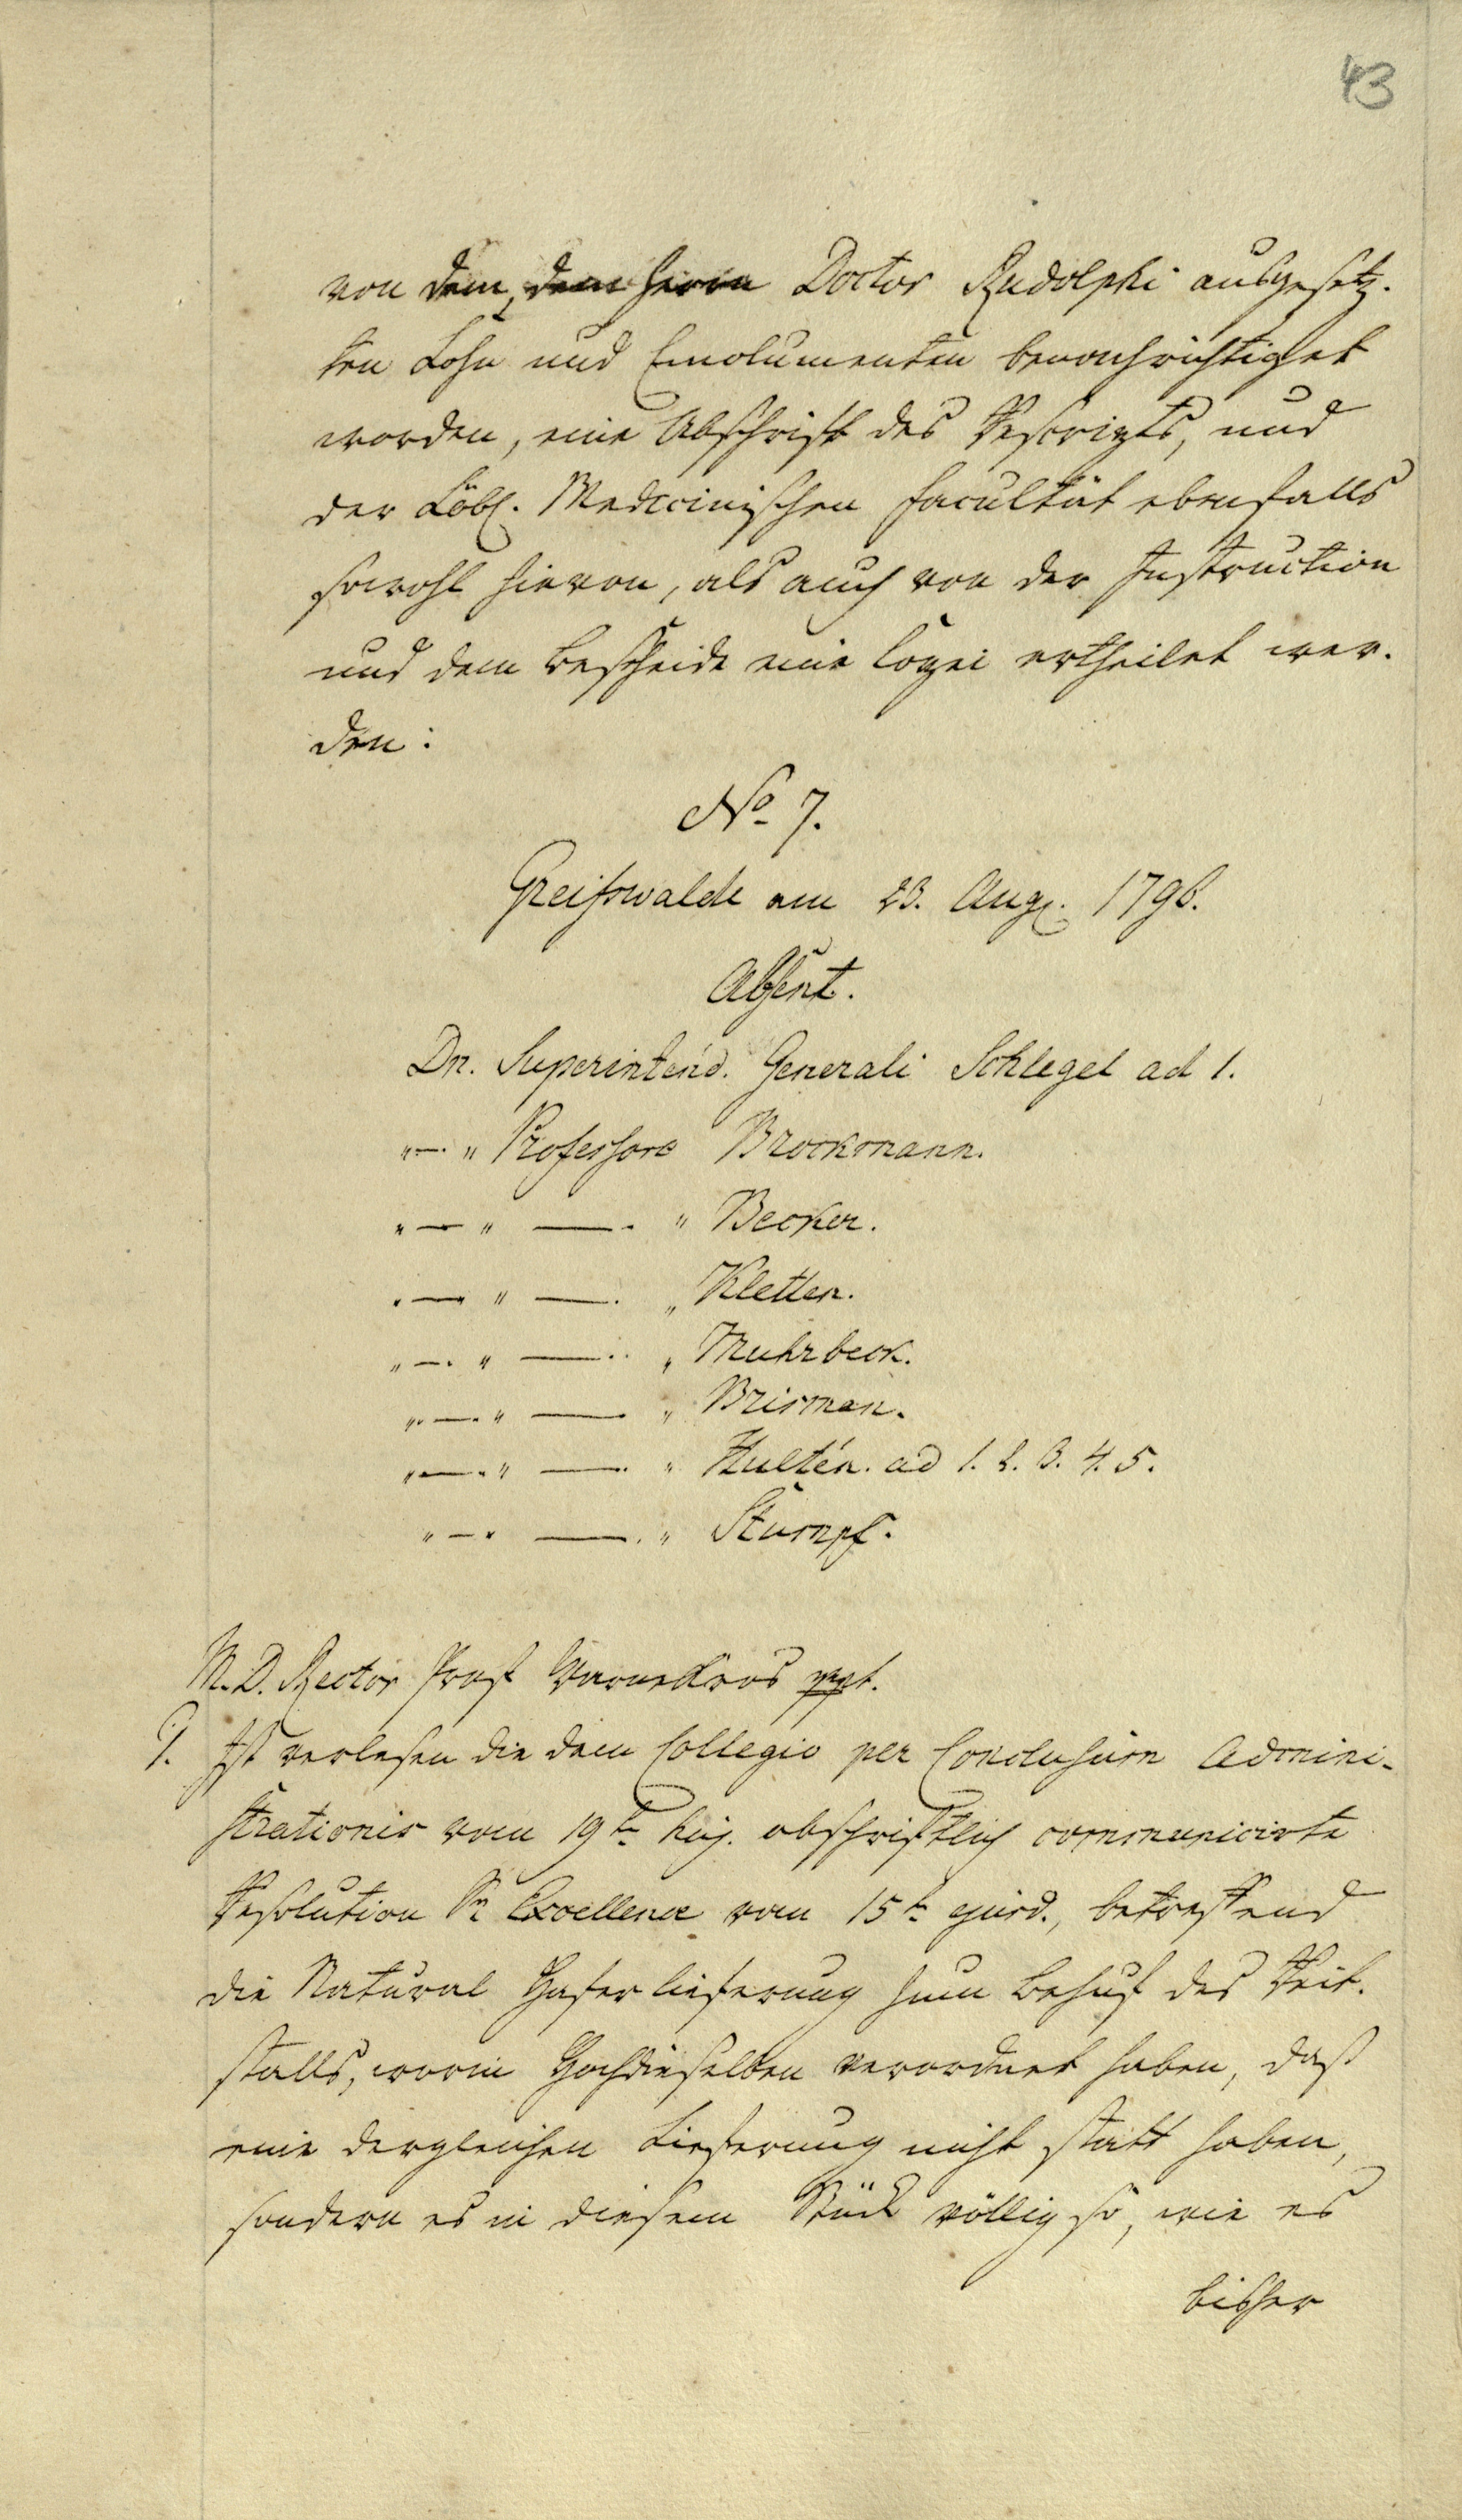von dem, dem Herrn Doctor Rudolphi ausgesetz¬
ten Lohn und Emolumenten benachrichtiget
worden, eine Abschrift des Rescripts, und
der Löbl. Medicinischen Facultät ebenfalls
sowohl hievon, als auch von der Instruction
und dem Bescheide eine Copei ertheilet wer¬
den.
No 7.
Greifswalde in 23. Aug. 1796.
Absent.
Dn. Superintend. Generali Schlegel ad 1.
Professore Brockmann.
Becker.
Kletten.
Muhrbeck.
Brisman.
Hultén ad 1. 2. 3. 4. 5.
Stumpf.
M. D. Rector Prof. Warnekros ppt.
1. Ist verlesen die dem Collegio per Conclusum Admini¬
strationis vom 19 te. huj. abschriftlich communicirte
Resolution Sr Excellence vom 15 t. ejusd., betreffend
die Natural Haferlieferung zum Behuf des Reit¬
stalls, worin Hochdieselben verordnet haben, daß
eine dergleichen Lieferung nicht statt haben,
sondern es in diesem Stück völlig so, wie es
bisher